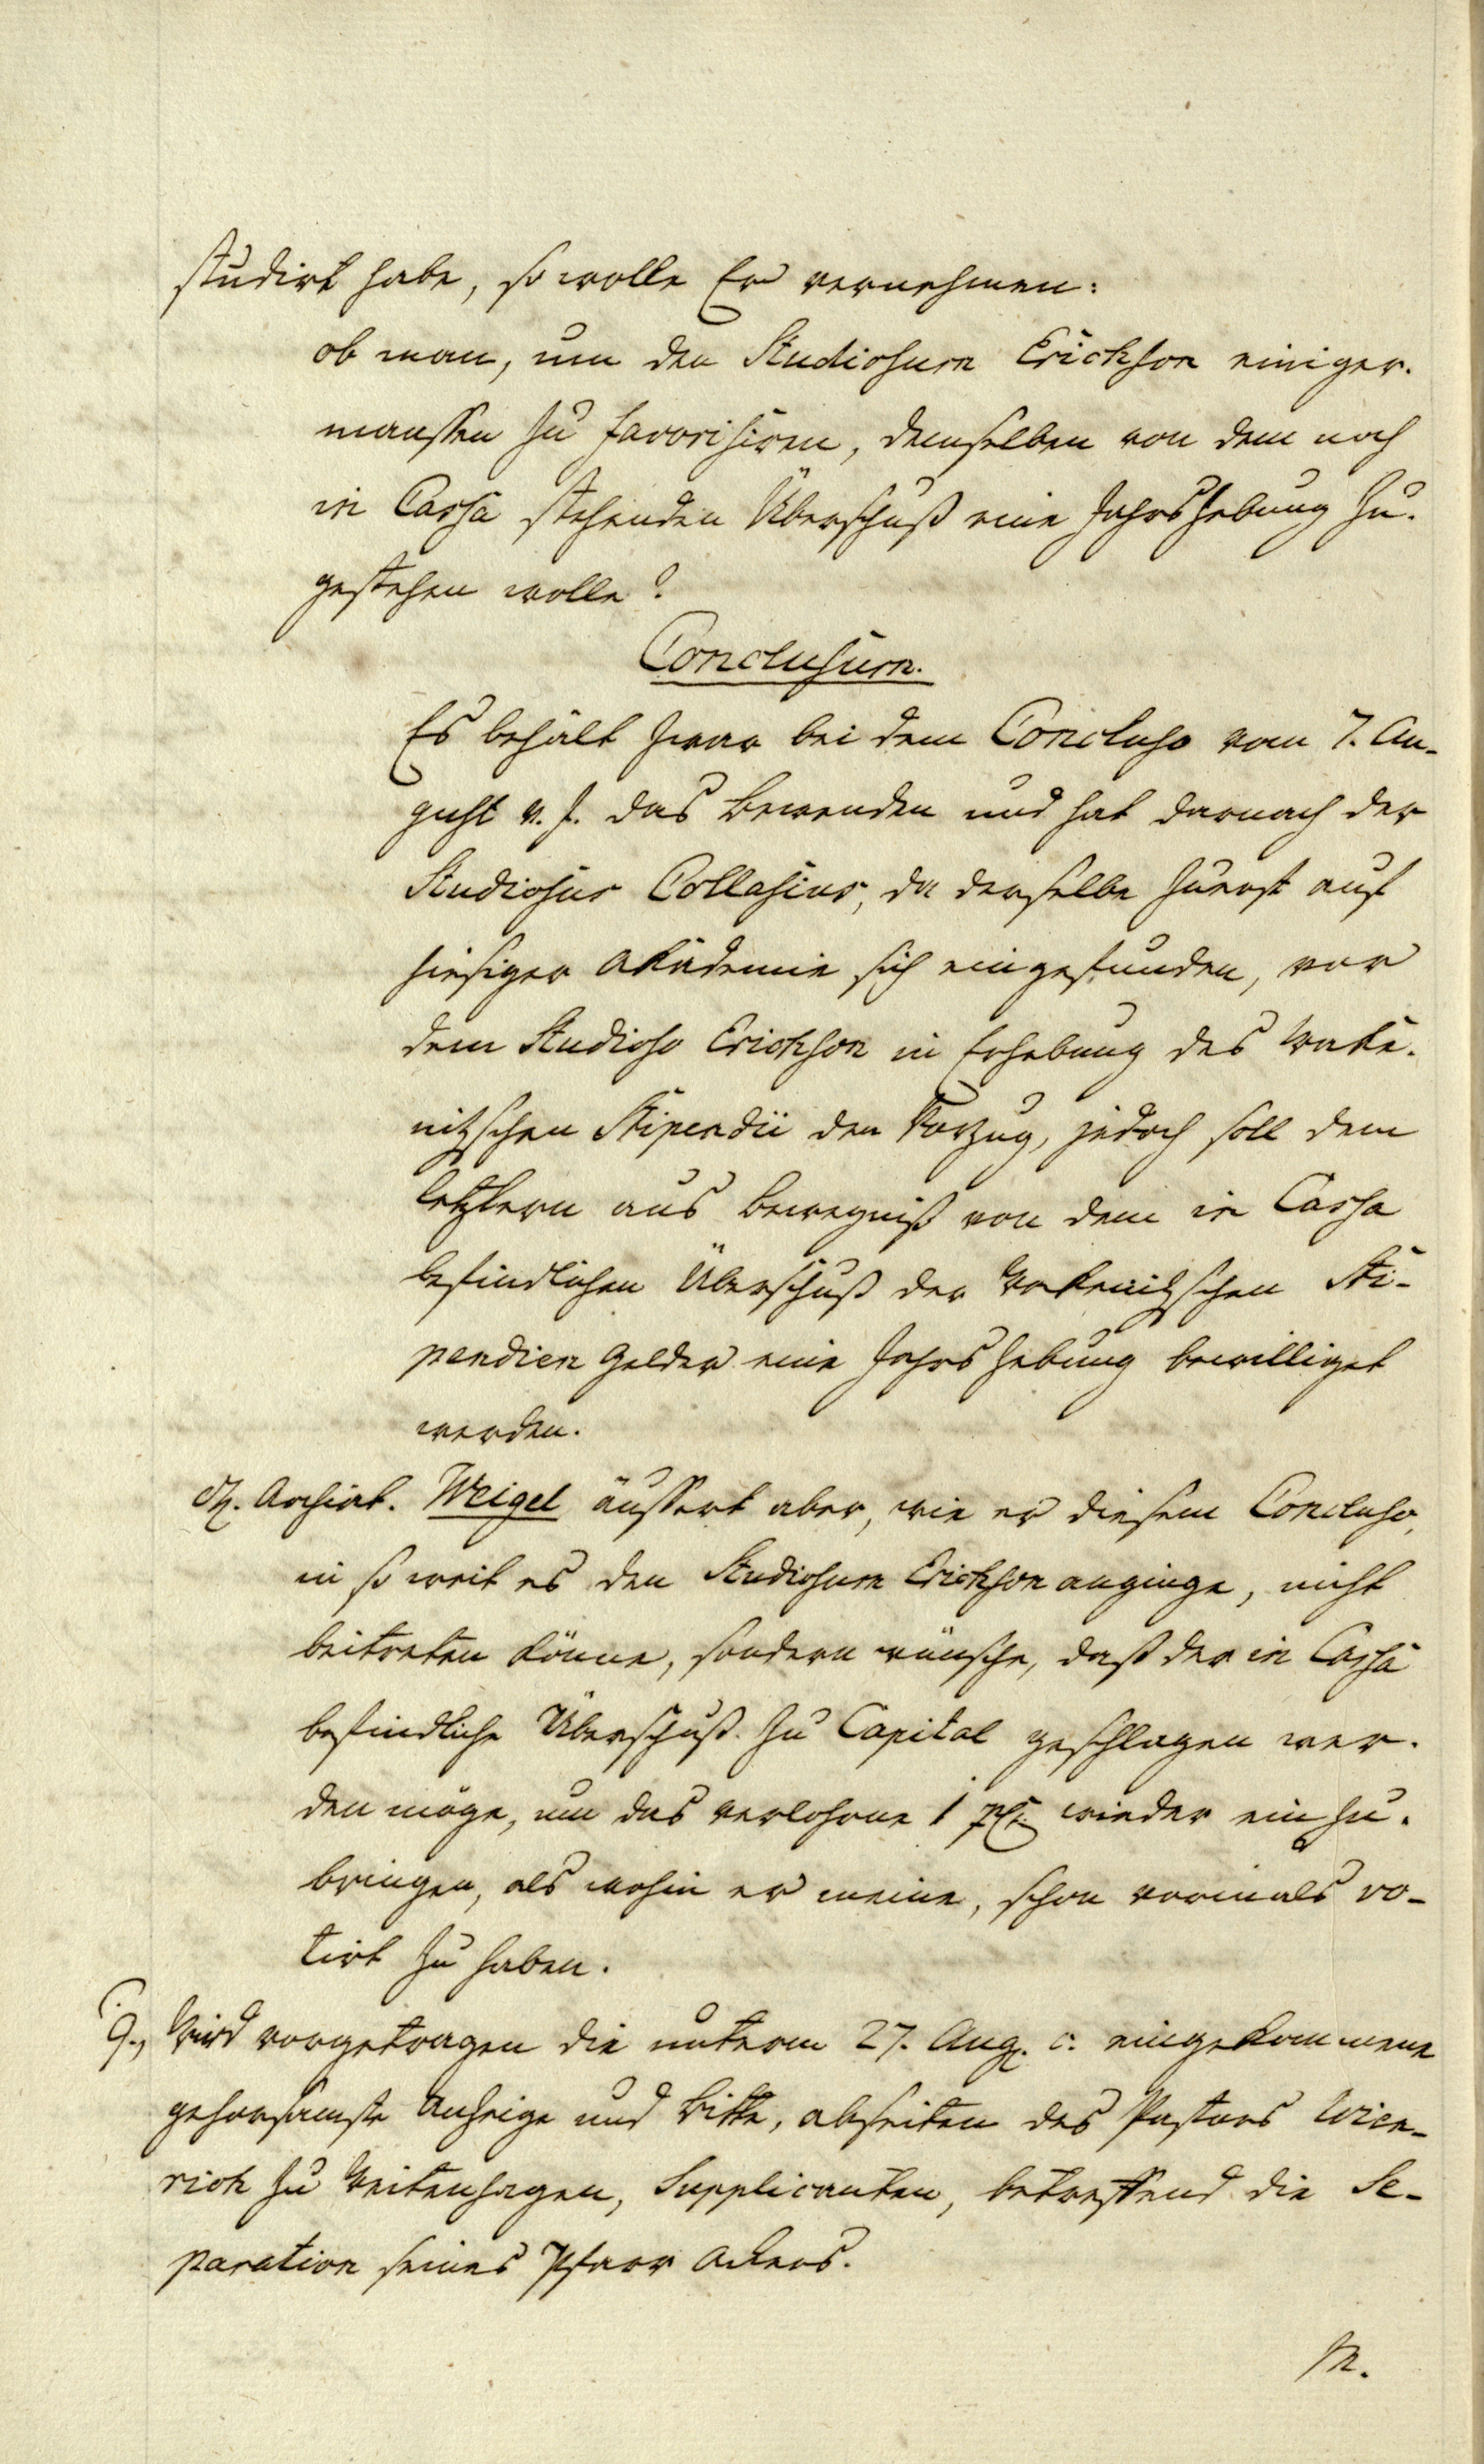studirt habe, so wolle Er vernehmen:
ob man, um den Studiosum Erichson einiger¬
maassen zu favorisiren, demselben von dem noch
in Cassa stehenden Überschuß eine Jahreshebung zu¬
gestehen wolle?
Conclusum.
Es behält zwar bei dem Concluso vom 7. Au¬
gust v. J. das Bewenden und hat darnach der
Studiosus Collasius, da derselbe zuerst auf
hiesiger Akademie sich eingefunden, vor¬
dem Studioso Erichson in Erhebung des Wake¬
nizschen Stipendii den Vorzug, jedoch soll dem
letzteren aus Bewegniß von dem in Cassa
befindlichen Überschuß der Wakenizschen Sti¬
pendien Gelder eine Jahreshebung bewilliget
werden.
dh. Archiat. Weigel äussert aber, wie er diesem Concluso,
in so weit es den Studiosum Erichson anginge, nicht
beitreten könne, sondern wünsche, daß der in Cassa
befindliche Überschuß zu Capital geschlagen wer¬
den möge, um das verlohrene 17 l. wieder einzu¬
bringen, als wohin er meine, schon vormals vo¬
tirt zu haben.
9., Wird vorgetragen die unterm 27. Aug. c. eingekommene
gehorsamte Anzeige und Bitte, abseiten des Pastors Wien¬
rich zu Weitenhagen, Supplicanten, betreffend die Se¬
paration seines Pfarr Ackers.
M.